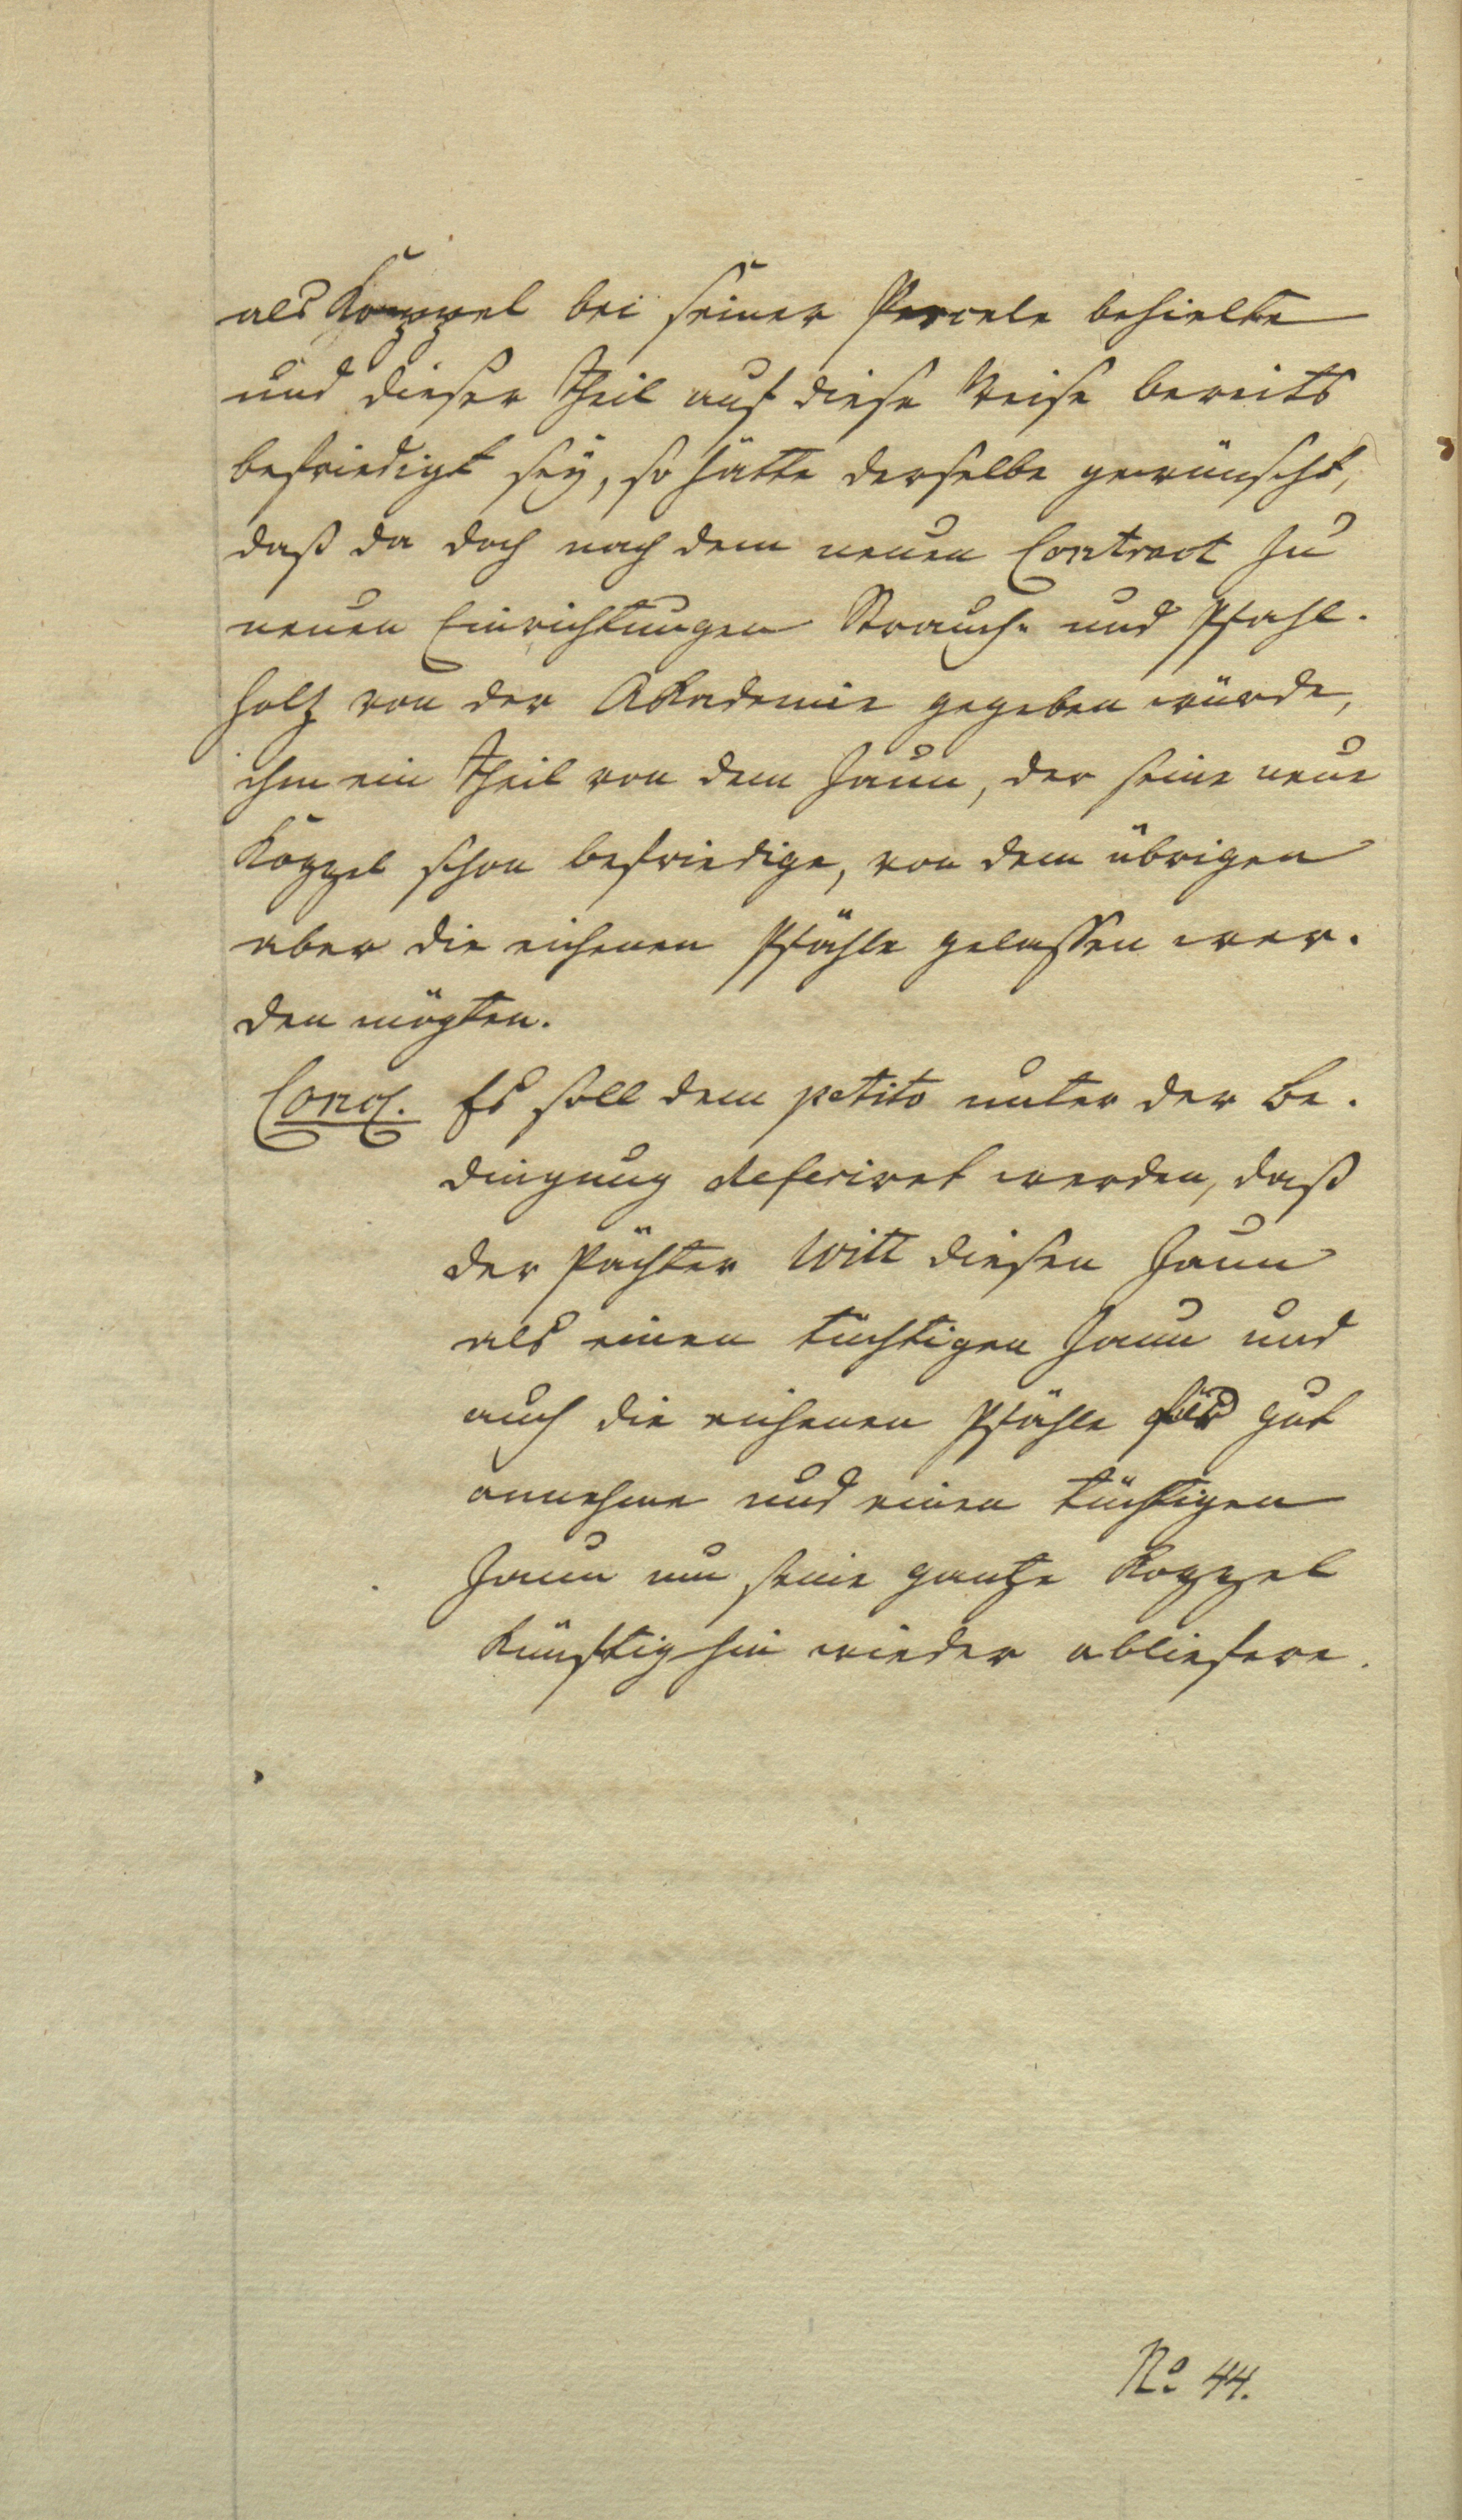als Koppel bei seiner Percele behielte
und dieser Theil auf diese Weise bereits
befriedigt seÿ, so hätte derselbe gewünscht,
daß da doch nach dem neuen Contract zu
neuen Einrichtungen Strauch- und Pfahl¬
holz von der Akademie gegeben würde,
ihm ein Theil von dem Zaun, der seine neue
Koppel schon befriedige, von dem übrigen
aber die eichenen Pfähle gelassen wer-
den mögten.
Concl. Es soll dem petito unter der Be¬
dingung deferiret werden, daß
der Pächter Witt diesen Zaun
als einen tüchtigen Zaun und
auch die eichenen Pfähle für gut
annehmen und einen tüchtigen
Zaun um seine gantze Koppel
künftighin wieder abliefere.
No 44.